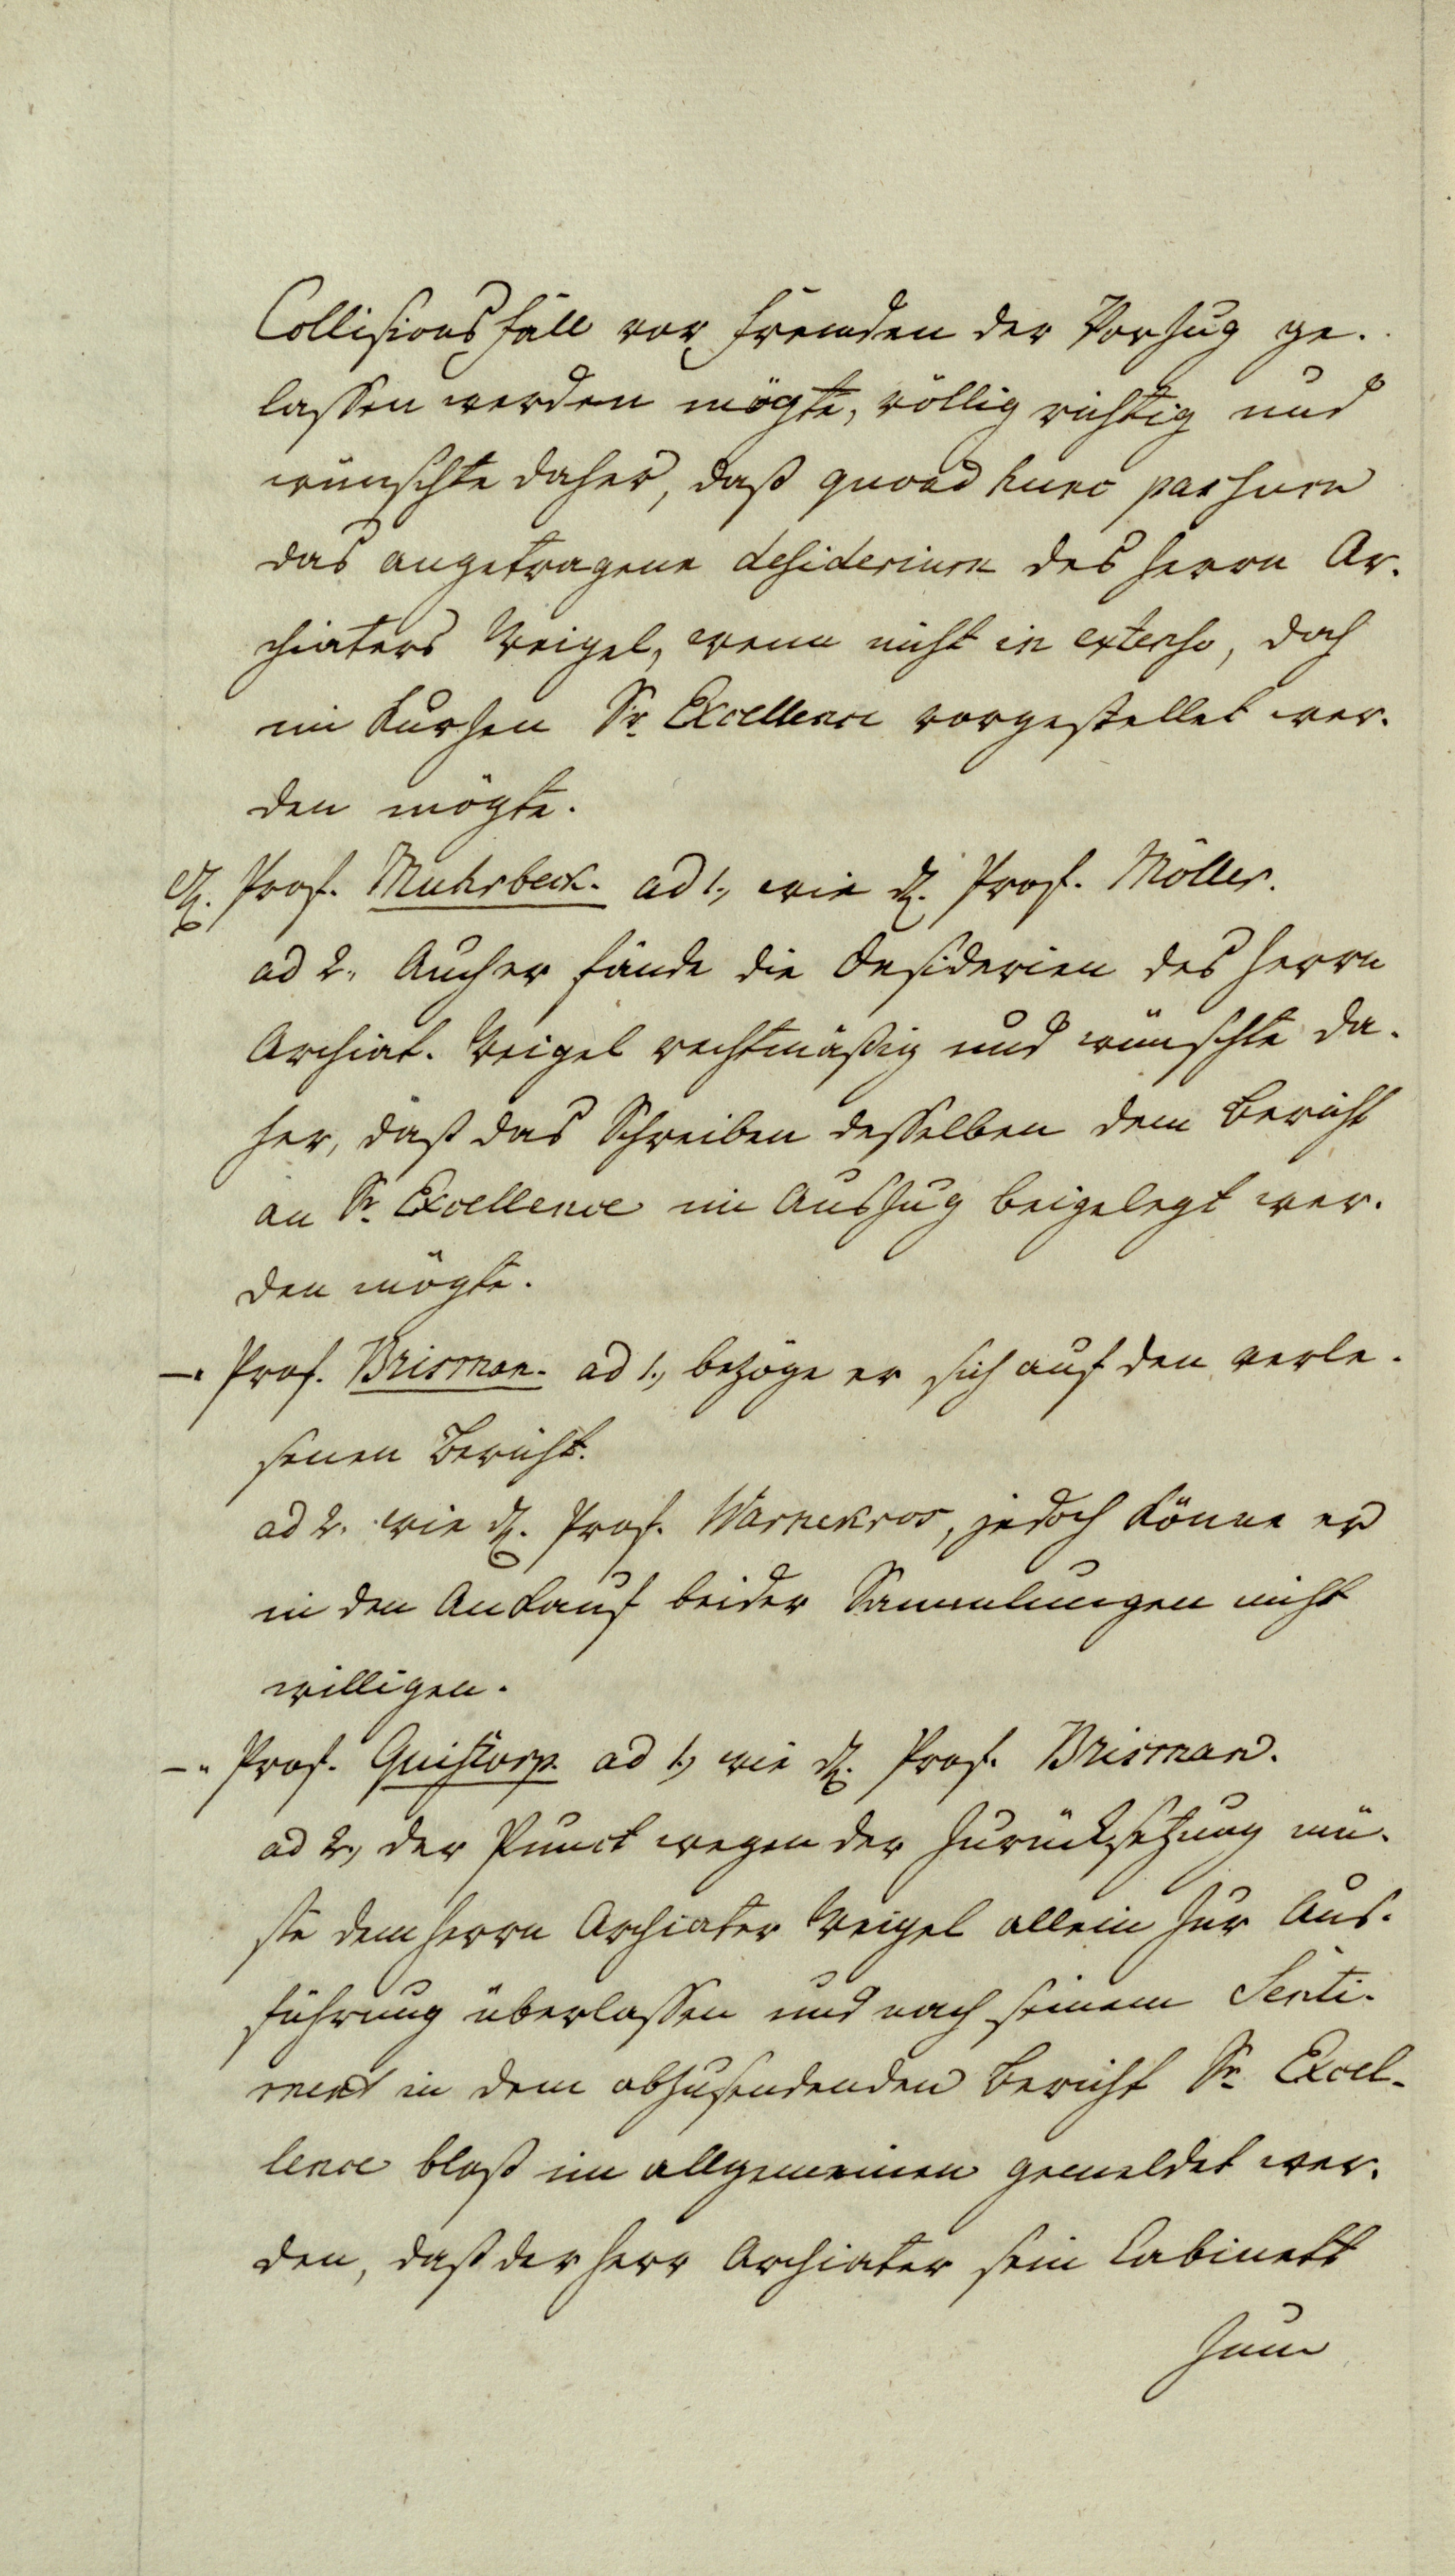Collisions Fall vor Fremden der Vorzug ge¬
lassen werden möchte, völlig richtig und
wünschte daher, daß quoad hunc passum
das angetragene desiderium des Herrn Ar¬
chiaters Weigel, wenn nicht in extenso, doch
im kurzen Sr Excellence vorgestellet wer¬
den mögte.
dh. Prof. Muhrbeck. ad 1., wie dh. Prof. Möller.
ad 2., Auch er fände die Desiderien des Herrn
Archiat. Weigel rechtmäßig und wünschte da¬
her, daß das Schreiben desselben dem Bericht
an Sr. Excellence im Auszug beigelegt wer¬
den mögte.
Prof. Brisman. ad 1., bezöge er sich auf den verle¬
senen Bericht.
ad 2. wie dh. Prof. Warnekros, jedoch könne er
in den Ankauf beider Sammlungen nicht
willigen.
Prof. Quistorp. ad 1., wie dh. Prof. Brisman.
ad 2., der Punct wegen der Zurücksetzung mü¬
ste dem Herrn Archiater Weigel allein zur Aus¬
führung überlassen und nach seinem Senti¬
ment in dem abzusendenden Bericht Sr Excel¬
lence bloß im allgemeinen gemeldet wer¬
den, daß der Herr Archiater sein Cabinett
zum